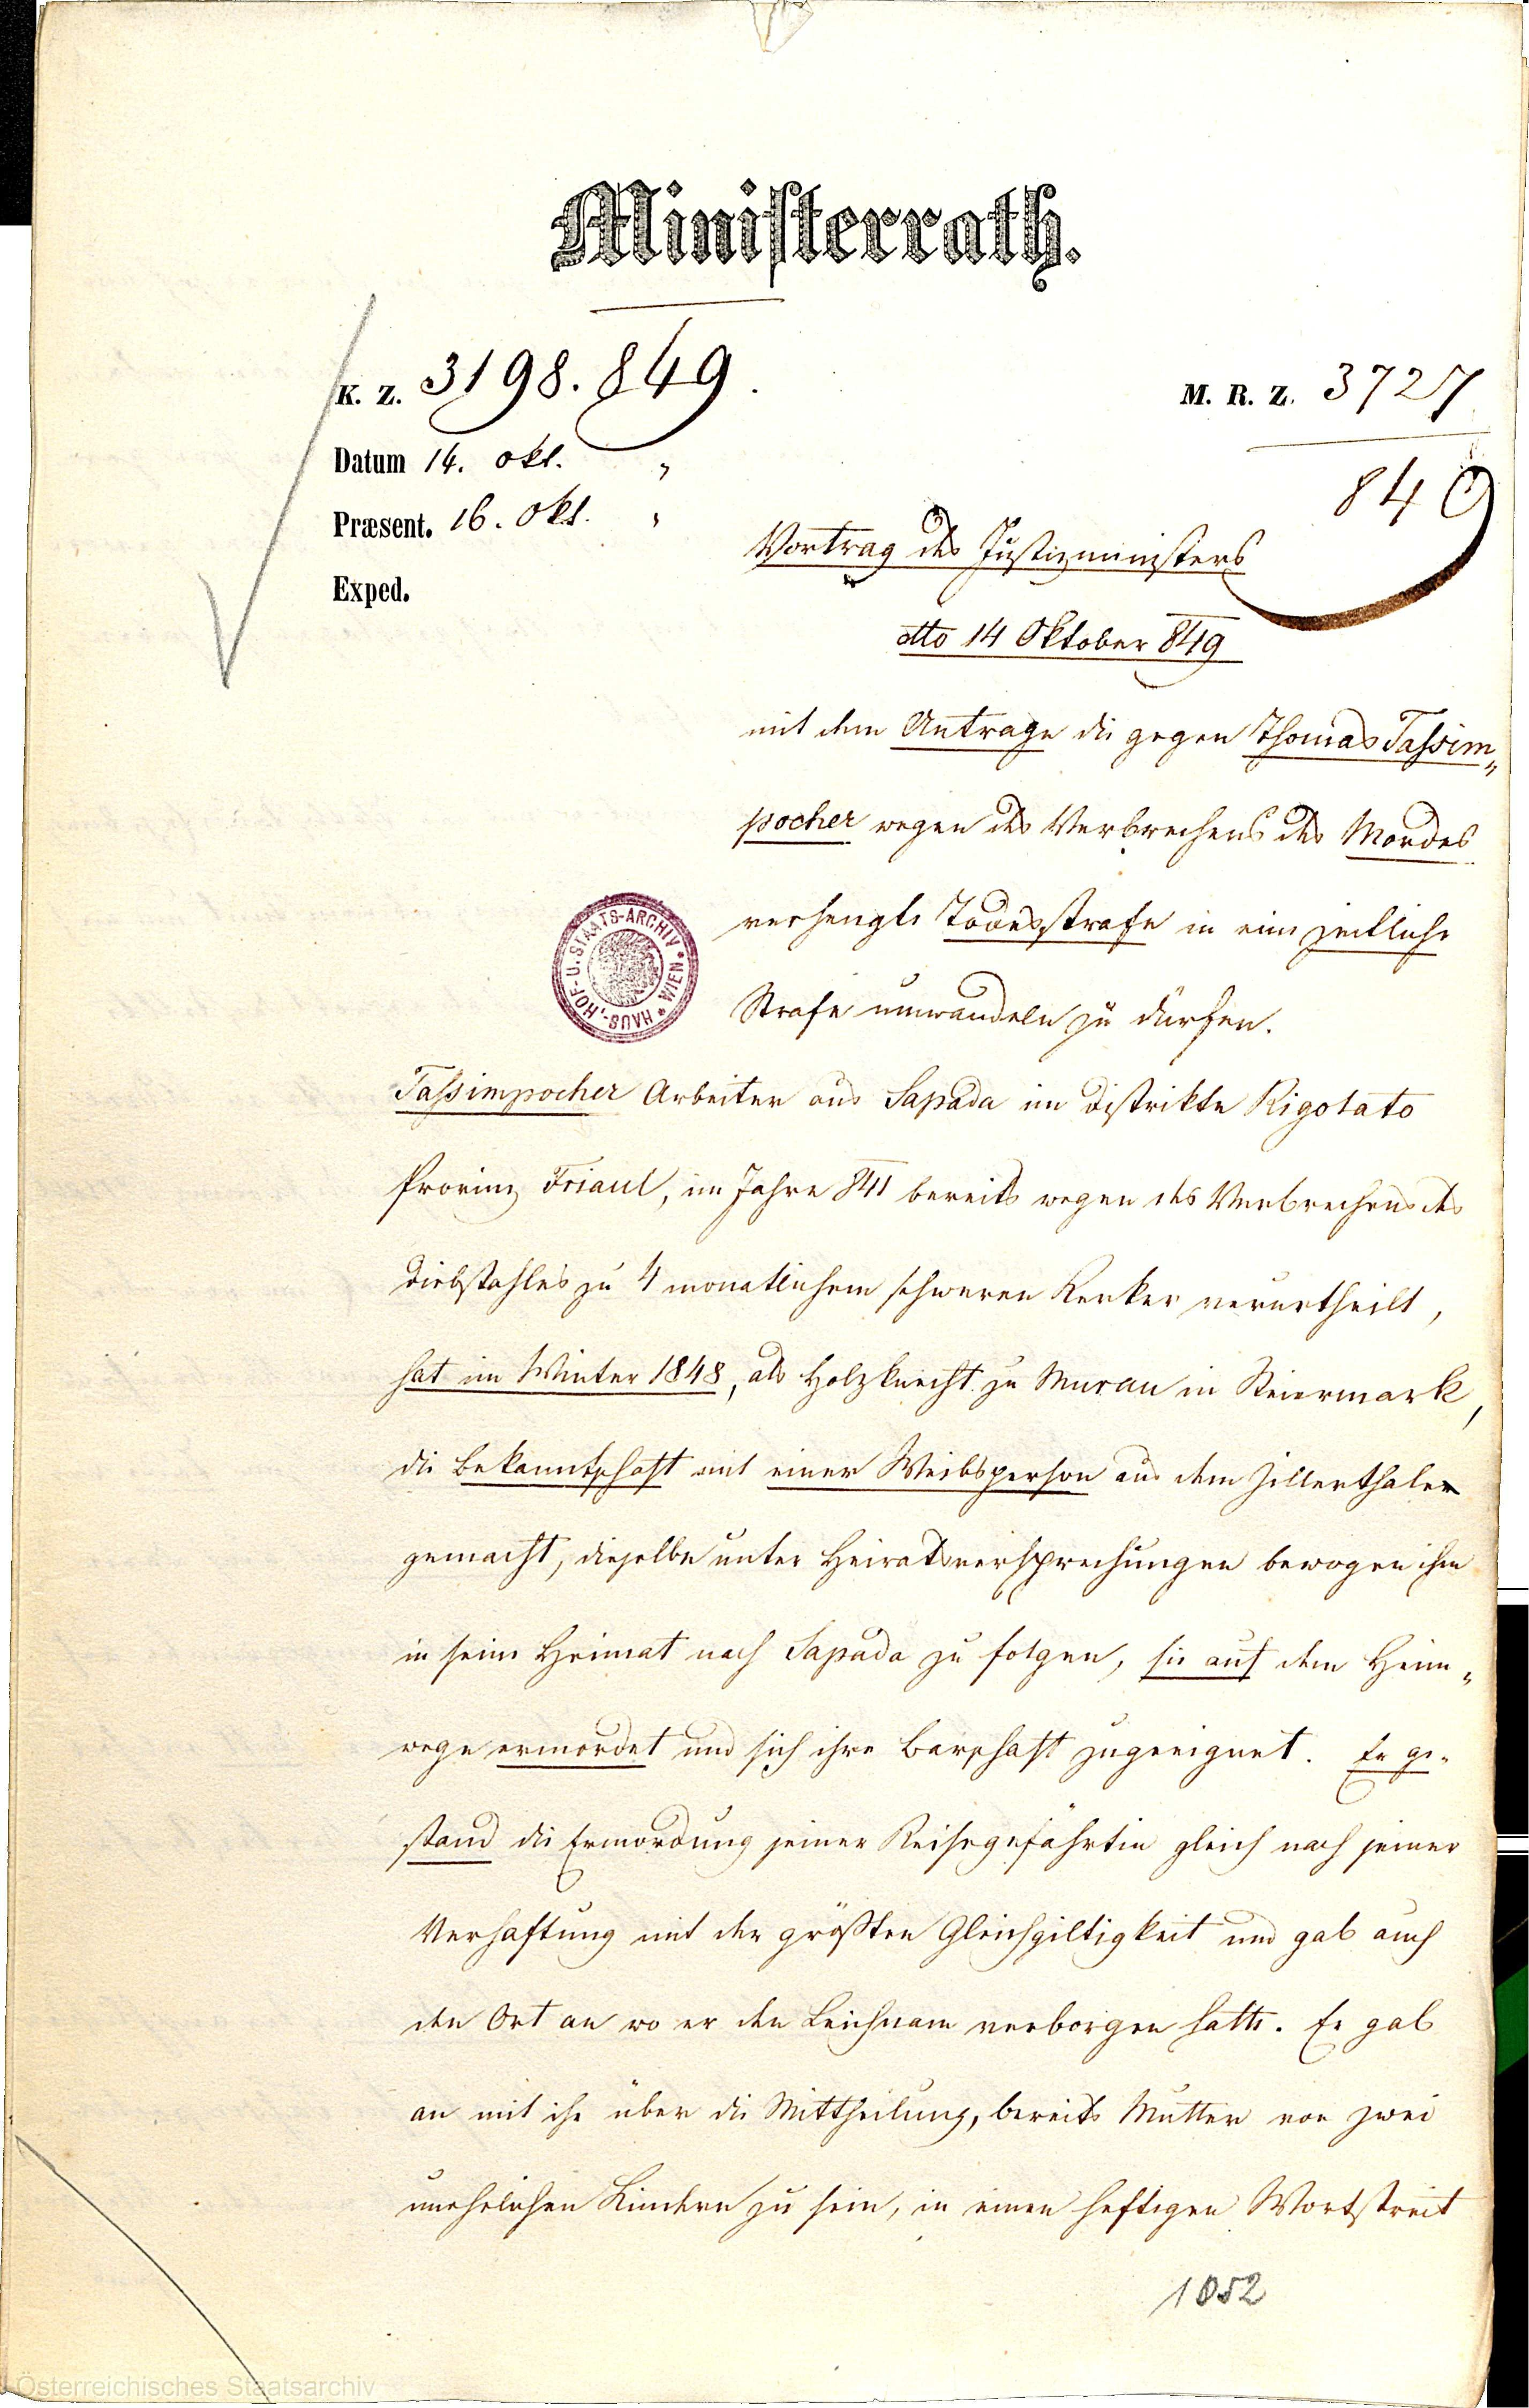Ministerrath.
K. Z. 3198. 849.
Datum 14. Okt. 849
Præset. 16. Okt. 849
Exped.
M. R. Z. 3727
849
Vortrag des Justizmeisters
dto 14 Oktober 849
mit den Antrage die gegen Thomas Tassim¬
pocher wegen des Verbrechens des Mordes
verhengte Todesstrafe in eine zeitliche
Strafe umwandeln zu dürfen.
Tassimpocher Arbeiter aus Sapada im Distrikte Rigolato
Provinz Friaul, im Jahre 841 bereits wegen des Verbrechens des
Diebstahles zu 4 monatlichem schweren Kerker verurtheilt,
hat im Winter 1848, als Holzknecht zu Murau in Steiermark,
die Bekanntschaft mit einer Weibsperson aus dem Zillerthaler
gemacht, dieselbe unter Heiratsversprechungen bewogen ihm
in seine Heimat nach Sapada zu folgen, sie auf dem Heim¬
wege ermordet und sich ihre Barschaft zugeeignet. Er ge¬
stand die Ermordung seiner Reisegefährtin gleich nach seiner
Verhaftung mit der größten Gleichgiltigkeit und gab auch
den Ort an wo er den Leichnam verborgen hatte. Er gab
an mit ihr über die Mittheilung, bereits Mutter von zwei
unehelichen Lxx zu sein, in einen heftigen Wortstreit
1052